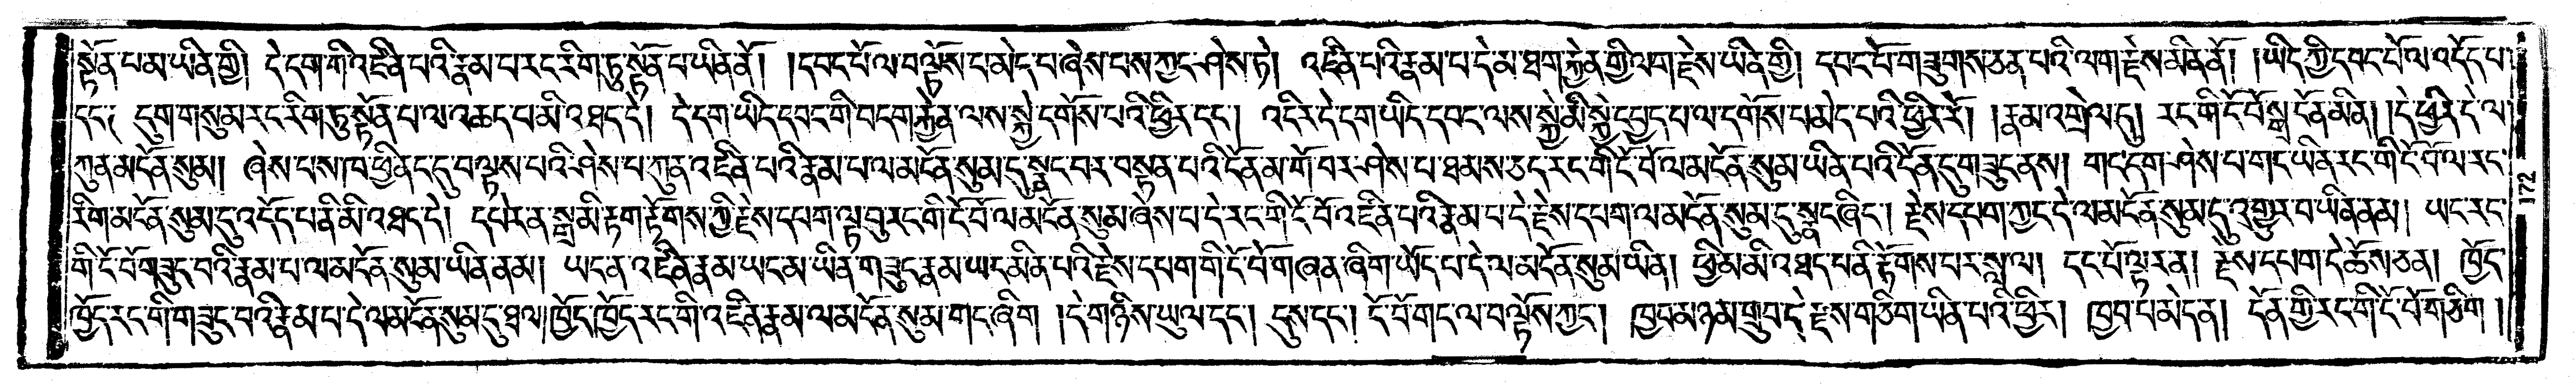སྟོན་པ་མ་ཡིན་གྱི། དེ་དག་གི་འཛིན་པའི་རྣམ་པ་རང་རིག་ཏུ་སྟོན་པ་ཡིན་ནོ། །དབང་པོ་ལ་བལྟོས་པ་མེད་པ་ཞེས་པས་ཀྱང་ཤེས་ཏེ། འཛིན་པའི་རྣམ་པ་དེ་མ་ཐག་རྐྱེན་གྱི་ལག་རྗེས་ཡིན་གྱི། དབང་པོ་གཟུགས་ཅན་པའི་ལག་རྗེས་མིན་ནོ། །ཡིད་ཀྱི་དབང་པོ་ལ་འདོད་པ་
དང་། དུག་གསུམ་རང་རིག་ཏུ་སྟོན་པ་ལ་འཆད་པ་མི་འཐད་དེ། དེ་དག་ཡིད་དབང་གི་བདག་རྐྱེན་ལས་སྐྱེ་དགོས་པའི་ཕྱིར་དང་། འདིར་དེ་དག་ཡིད་དབང་ལས་སྐྱེ་མི་སྐྱེ་དཔྱད་པ་ལ་དགོས་པ་མེད་པའི་ཕྱིར་རོ། །རྣམ་འགྲེལ་དུ། རང་གི་ངོ་བོ་སྒྲ་དོན་མིན། །དེ་ཕྱིར་དེ་ལ་
ཀུན་མངོན་སུམ། ཞེས་པས་ཁ་ཕྱི་ནང་དུ་བལྟས་པའི་ཤེས་པ་ཀུན་འཛིན་པའི་རྣམ་པ་ལ་མངོན་སུམ་དུ་སྣང་བར་བསྟན་པའི་དོན་མ་གོ་བར་ཤེས་པ་ཐམས་ཅད་རང་གི་ངོ་བོ་ལ་མངོན་སུམ་ཡིན་པའི་དོན་དུ་གཟུང་ནས། གང་དག་ཤེས་པ་གང་ཡིན་རང་གི་ངོ་བོ་ལ་རང་
རིག་མངོན་སུམ་དུ་འདོད་པ་ནི་མི་འཐད་དེ། དཔེར་ན་སྒྲ་མི་རྟག་རྟོགས་ཀྱི་རྗེས་དཔག་ལྟ་བུ་རང་གི་ངོ་བོ་ལ་མངོན་སུམ་ཞེས་པ་དེ་རང་གི་ངོ་བོ་འཛིན་པའི་རྣམ་པ་དེ་རྗེས་དཔག་ལ་མངོན་སུམ་དུ་སྣང་ཞིང་། རྗེས་དཔག་ཀྱང་དེ་ལ་མངོན་སུམ་དུ་འགྱུར་བ་ཡིན་ནམ། ཡང་རང་
གི་ངོ་བོ་གཟུང་བའི་རྣམ་པ་ལ་མངོན་སུམ་ཡིན་ནམ། ཡང་ན་འཛིན་རྣམ་ཡང་མ་ཡིན་གཟུང་རྣམ་ཡང་མིན་པའི་རྗེས་དཔག་གི་ངོ་བོ་གཞན་ཞིག་ཡོད་པ་དེ་ལ་མངོན་སུམ་ཡིན། ཕྱི་མ་མི་འཐད་པ་ནི་རྟོགས་པར་སླ་ལ། དང་པོ་ལྟར་ན། རྗེས་དཔག་དེ་ཆོས་ཅན། ཁྱོད་
ཁྱོད་རང་གི་གཟུང་བའི་རྣམ་པ་དེ་ལ་མངོན་སུམ་དུ་ཐལ། ཁྱོད་ཁྱོད་རང་གི་འཛིན་རྣམ་ལ་མངོན་སུམ་གང་ཞིག །དེ་གཉིས་ཡུལ་དང་། དུས་དང་། ངོ་བོ་གང་ལ་བལྟོས་ཀྱང་། ཁྱབ་མཉམ་གྲུབ་དེ་རྫས་གཅིག་ཡིན་པའི་ཕྱིར། ཁྱབ་པ་མེད་ན། དོན་གྱི་རང་གི་ངོ་བོ་གཅིག །